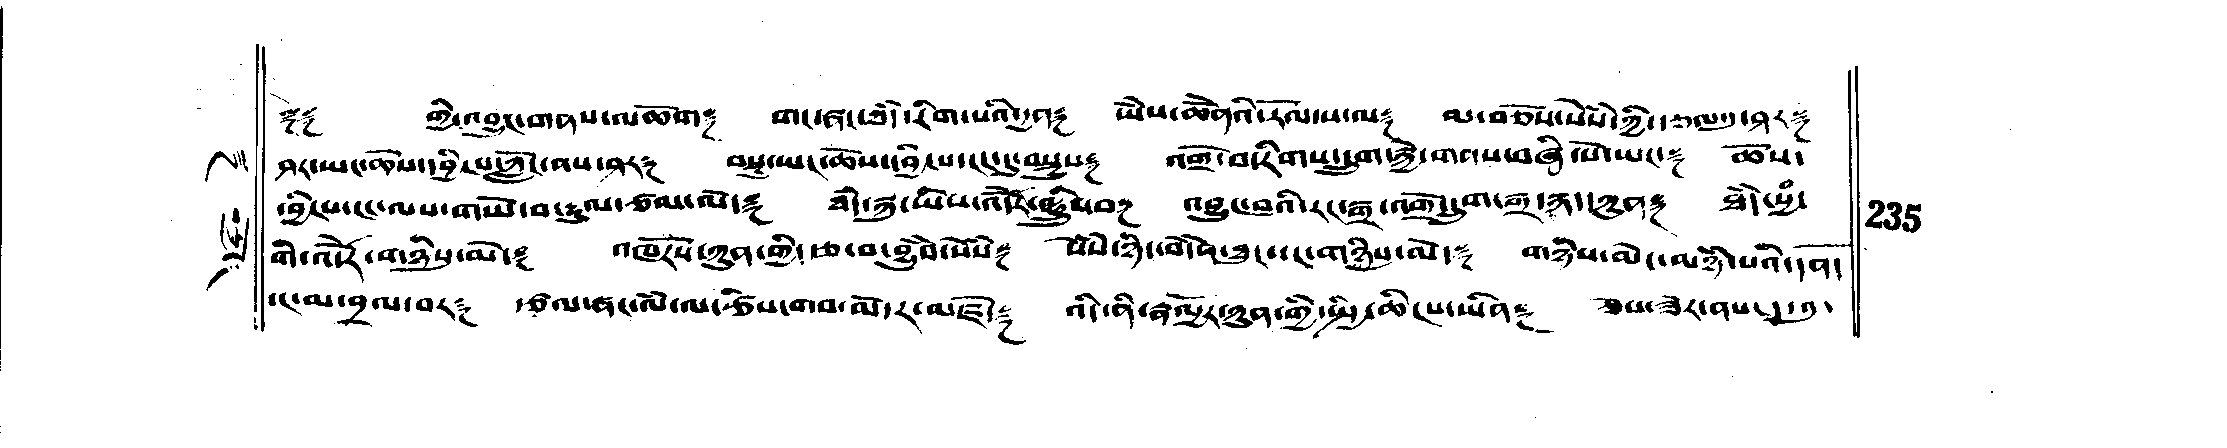གྱི་འབྱུང་གནས་མཆོག །གང་སྣང་ཐམས་ཅད་རིག་པའི་རྒྱན། །ཡེ་ཤེས་ཆེན་པོའི་རོལ་པ་ལ། །མ་བཅོས་སེམས་ཀྱི་རྩལ་དུ་ཤར། །
ཤར་ཡང་ཆོས་དབྱིངས་ཀློང་ནས་ཤར། །བསྡུ་ཡང་ཆོས་དབྱིངས་ངང་དུ་བསྡུས། །འགྲོ་བ་རིགས་དྲུག་སྐྱེ་གནས་བཞི་པོ་ཡང་། །ཆོས་
དབྱིངས་ངང་ལས་གཡོ་བ་རྡུལ་ཙམ་མེད། །ཐམས་ཅད་སྐུ་ཡིས་འོད་ཟེར་ལྷུན་གྱིས་གྲུབ། །འབྱུང་བའི་རང་སྒྲ་འགྲོ་དྲུག་སྒྲ་སྐད་ཀུན། །ཐམས་ཅད་གསུང་
གི་འོད་ཟེར་གཉིས་སུ་མེད། །འཁཽར་འདས་ཀུན་གྱི་རྩ་བ་བྱང་ཆུབ་སེམས། །སེམས་ཉིད་བདེ་ཆེན་ཐུགས་དང་གཉིས་སུ་མེད། །གཉིས་མེད་མཉམ་པའི་དོན་
དང་མ་བྲལ་བར། །རྩལ་སྣང་ལམ་ལ་རྩིས་གདབ་མེད་པར་མཛོད། །འདི་ནི་རྣལ་འབྱོར་ཀུན་གྱི་སྤྱི་ཆིངས་ཡིན། །ཅེས་ཟེར་ནས་ད་འུ་